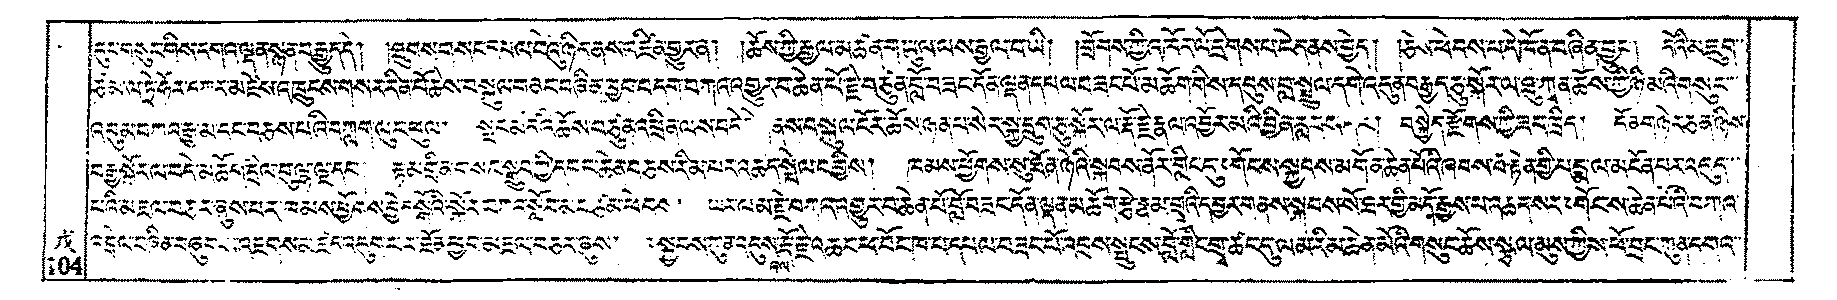དུང་གསུང་གིས་དགའ་ལྡན་སྙན་བརྒྱུད་དེ། །ཐུགས་གསང་དཔལ་བེའུ་ཉིད་ནས་འཛིན་གྱུར་ན། །ཆོས་ཀྱི་རྒྱལ་མཚན་གཡུལ་ལས་རྒྱལ་བ་ཡི། །གྲོགས་ཀྱི་འཁོར་ལོ་དྲེགས་པ་ངེད་ནས་བྱེད། །ཅེས་ཕེབས་པ་དེ་ཁོ་ན་བཞིན་བྱུང་། དེའི་མཇུག་
ཙམ་ལ་ཏྲེ་ཧོར་དཀར་མཛེས་འཁྲུངས་གསར་རིན་པོ་ཆེས་བསྐུལ་གནང་བཞིན་ཁྱབ་བདག་བཀའ་འགྱུར་བ་ཆེན་པོ་རྗེ་བཙུན་བློ་བཟང་དོན་ལྡན་དཔལ་བཟང་པོ་མཆོག་གིས་དབུས་བླ་སྤྲུལ་དགེ་འདུན་བརྒྱད་ཅུ་སྐོར་ལ་ཐུ་ཀྭན་ཆོས་ཀྱི་ཉི་མའི་གསུང་
འབུམ་བཀའ་རྒྱ་མ་དང་བཅས་པའི་བཀླག་ལུང་ཕུལ། སྤང་མདའི་ཆོས་བཙུན་འཕྲིན་ལས་བདེ་དེ?་ནས་བསྐུལ་ངོར་ཆོས་ཉན་པ་སེར་སྐྱ་དྲུག་ཅུ་སྐོར་ལ་རྡོ་རྗེ་རྣལ་འབྱོར་མའི་བྱིན་རླབས་དང་། བསྐྱེད་རྫོགས་ཀྱི་ཟབ་ཁྲིད། དོན་གཉེར་ཅན་ཉིས་
བརྒྱ་སྐོར་ལ་བདེ་མཆོག་དྲིལ་བུ་ལྷ་ལྔ་དང་། རྟ་མགྲིན་གསང་སྒྲུབ་ཀྱི་དབང་ཆེན་བཅས་རིམ་པར་འཆད་སྤེལ་བགྱིས། ཁམས་ཕྱོགས་སུ་ཐོན་ཉེའི་སྐབས་ནོར་གླིང་དུ་༧གོང་ས་སྐྱབས་མགོན་ཆེན་པོའི་ཞབས་བརྟེན་གྱི་པདམ་ལ་མངོན་པར་འདུད་
པའི་མཇལ་བཅར་ཞུས་པར་ཁམས་ཕྱོགས་བྱེད་སྒོའི་སྐོར་བཀའ་སློབ་མང་ཙམ་ཕེབས། ཡར་ལམ་རྗེ་བཀའ་འགྱུར་བ་ཆེན་པོ་བློ་བཟང་དོན་ལྡན་མཆོག་རྩེ་རྣམ་གྲྭའི་དབྱར་གནས་སྐབས་སོ་ཐར་གྱི་མདོ་རྒྱས་པ་འཆད་སར་༧གོང་ས་ཆེན་པོའི་བཀའ་
འབྲེལ་བཞིན་བཞུགས་འཇགས་མཛད་འདུག་པར་ཐོན་ཕྱག་མཇལ་བཅར་ཞུས། ༧སྐྱབས་ཀུན་འདུས་ཞལ་རྡོ་རྗེ་འཆང་ཕ་བོང་ཁ་པ་དཔལ་བཟང་པོ་འབྲས་སྤུངས་བློ་གླིང་གྲྭ་ཚང་དུ་ལམ་རིམ་ཆེན་མོའི་གསུང་ཆོས་སྩལ་མུས་ཀྱིས་ཕོ་བྲང་ཀུན་དགའ་